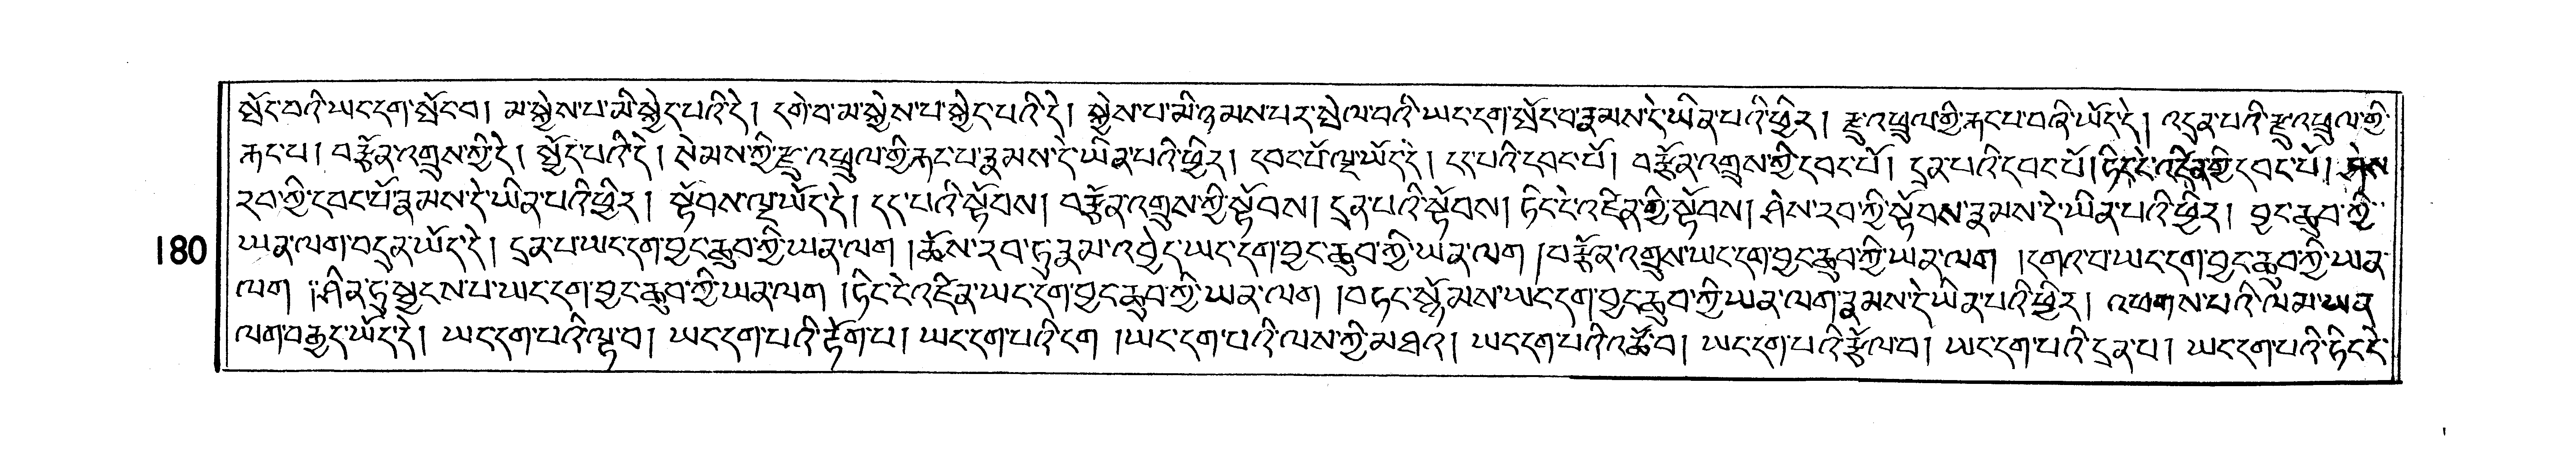སྤོང་བའི་ཡང་དག་སྤོང་བ། མ་སྐྱེས་པ་མི་སྐྱེད་པའི་དེ། དགེ་བ་མ་སྐྱེས་པ་སྐྱེད་པའི་དེ། སྐྱེས་པ་མི་ཉམས་པར་སྤེལ་བའི་ཡང་དག་སྤོང་བ་རྣམས་དེ་ཡིན་པའི་ཕྱིར། རྫུ་འཕྲུལ་གྱི་རྐང་པ་བཞི་ཡོད་དེ། འདྲན་པའི་རྫུ་འཕྲུལ་གྱི་
རྐང་པ། བརྩོན་འགྲུས་ཀྱི་དེ། སྤྱོད་པའི་དེ། སེམས་ཀྱི་རྫུ་འཕྲུལ་གྱི་རྐང་པ་རྣམས་དེ་ཡིན་པའི་ཕྱིར། དབང་པོ་ལྔ་ཡོད་དེ། དད་པའི་དབང་པོ། བརྩོན་འགྲུས་ཀྱི་དབང་པོ། དྲན་པའི་དབང་པོ། ཏིང་ངེ་འཛིན་གྱི་དབང་པོ། ཤེས་
རབ་ཀྱི་དབང་པོ་རྣམས་དེ་ཡིན་པའི་ཕྱིར། སྟོབས་ལྔ་ཡོད་དེ། དད་པའི་སྟོབས། བརྩོན་འགྲུས་ཀྱི་སྟོབས། དྲན་པའི་སྟོབས། ཏིང་ངེ་འཛིན་གྱི་སྟོབས། ཤེས་རབ་ཀྱི་སྟོབས་རྣམས་དེ་ཡིན་པའི་ཕྱིར། བྱང་ཆུབ་ཀྱི་
ཡན་ལག་བདུན་ཡོད་དེ། དྲན་པ་ཡང་དག་བྱང་ཆུབ་ཀྱི་ཡན་ལག །ཆོས་རབ་ཏུ་རྣམ་འབྱེད་ཡང་དག་བྱང་ཆུབ་ཀྱི་ཡན་ལག། བརྩོན་འགྲུས་ཡང་དག་བྱང་ཆུབ་ཀྱི་ཡན་ལག །དགའ་བ་ཡང་དག་བྱང་ཆུབ་ཀྱི་ཡན་
ལག ༑ཤིན་ཏུ་སྦྱངས་པ་ཡང་དག་བྱང་ཆུབ་ཀྱི་ཡན་ལག །ཏིང་ངེ་འཛིན་ཡང་དག་བྱང་ཆུབ་ཀྱི་ཡན་ལག །བཏང་སྙོམས་ཡང་དག་བྱང་ཆུབ་ཀྱི་ཡན་ལག་རྣམས་དེ་ཡིན་པའི་ཕྱིར། འཕགས་པའི་ལམ་ཡན་
ལག་བརྒྱད་ཡོད་དེ། ཡང་དག་པའི་ལྟ་བ། ཡང་དག་པའི་རྟོག་པ། ཡང་དག་པའི་ངག །ཡང་དག་པའི་ལས་ཀྱི་མཐའ། ཡང་དག་པའི་འཚོ་བ། ཡང་དག་པའི་རྩོལ་བ། ཡང་དག་པའི་དྲན་པ། ཡང་དག་པའི་ཏིང་ངེ་